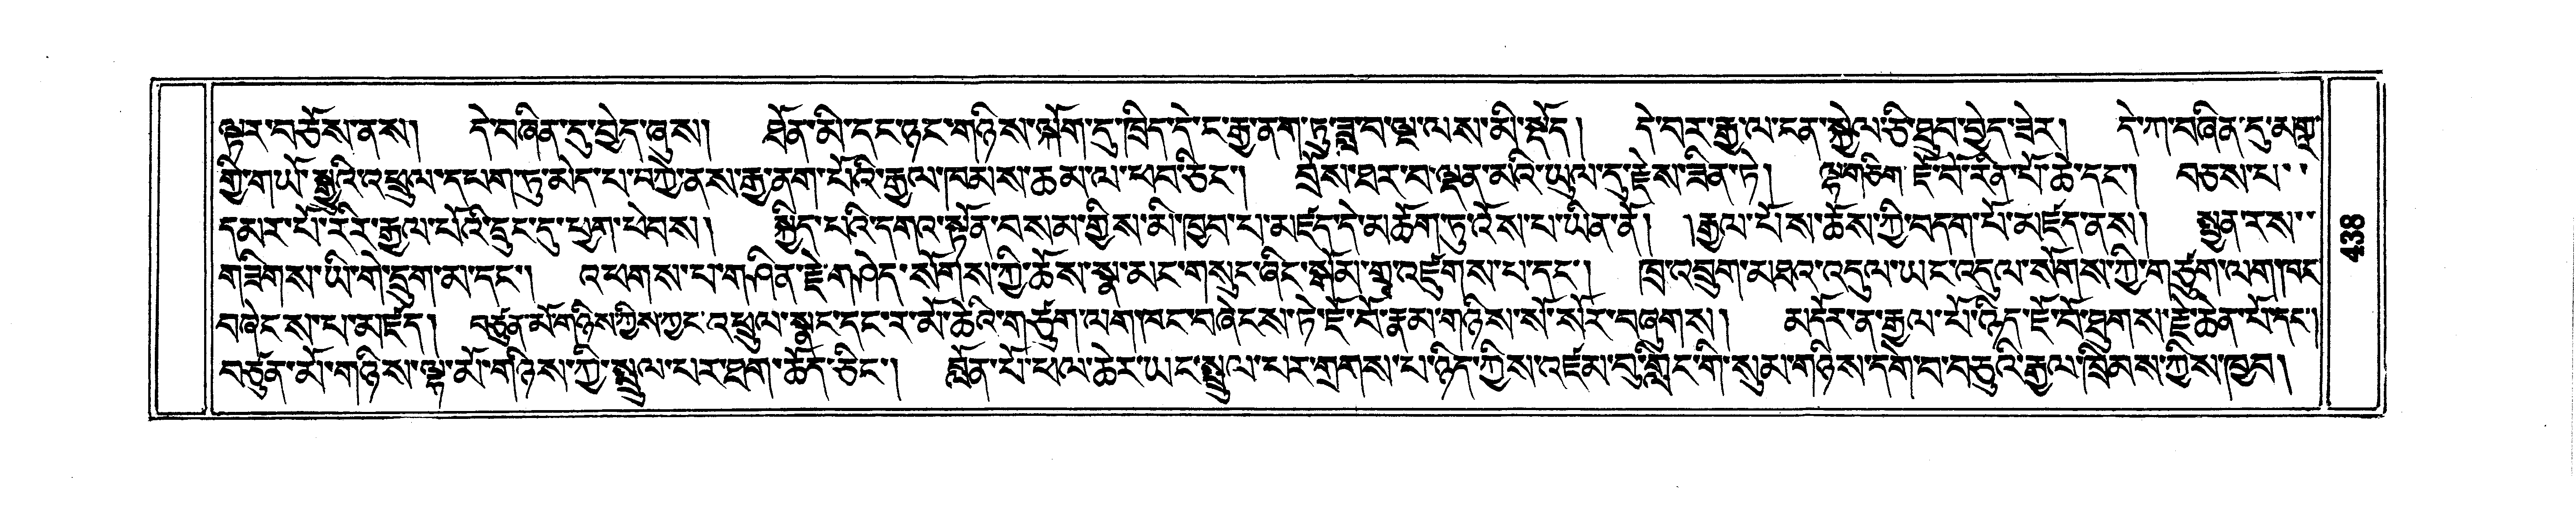ལྟར་བཅོས་ནས། དེ་བཞིན་དུ་བྱེད་ཞུས། ཐོན་མི་དང་ཉང་གཉིས་ལྐོག་དུ་ཁྲིད་དེ་ང་རྒྱ་ནག་ཏུ་ཟླ་བ་ལྔ་ལས་མི་སྡོད། དེ་བར་རྒྱ་ལ་ངན་སྐྱེལ་ཅི་ཐུབ་བྱེད་ཟེར། དེ་ཀ་བཞིན་དུ་མགྲ?
གྱི་གཡོ་སྒྱུའི་འཕྲུལ་དཔག་ཏུ་མེད་པ་བཀྱེ་ནས་རྒྱ་ནག་པོའི་རྒྱལ་ཁམས་ཆམ་ལ་ཕབ་ཅིང་། བྲོས་ཐར་བ་ལྡན་མའི་ཡུལ་དུ་རྗེས་ཟིན་ཏེ། ལྷ་གཅིག་ཇོ་བོ་རིན་པོ་ཆེ་དང་། བཅས་པ་
དམར་པོ་རིར་རྒྱལ་པོའི་དྲུང་དུ་ཕྱག་ཕེབས། སྐྱིད་པའི་དགའ་སྟོན་བསམ་གྱིས་མི་ཁྱབ་པ་མཛད་དེ་མཆོག་ཏུ་འོས་པ་ཡིན་ནོ། །རྒྱལ་པོས་ཆོས་ཀྱི་བདག་པོ་མཛད་ནས། སྤྱན་རས་
གཟིགས་ཡི་གེ་དྲུག་མ་དང་། འཕགས་པ་གཤིན་རྗེ་གཤེད་སོགས་ཀྱི་ཆོས་སྣ་མང་གསུང་ཞིང་སྒོམ་གྲྭ་འཛུགས་པ་དང་། ཁྲ་འབྲུག་མཐའ་འདུལ་ཡང་འདུལ་སོགས་ཀྱི་གཙུག་ལག་ཁང་
བཞེངས་པ་མཛད། བཙུན་མོ་གཉིས་ཀྱིས་ཀྱང་འཕྲུལ་སྣང་དང་ར་མོ་ཆེའི་གཙུག་ལག་ཁང་བཞེངས་ཏེ་ཇོ་བོ་རྣམ་གཉིས་སོ་སོར་བཞུགས། མདོར་ན་རྒྱལ་པོ་ཉིད་ཇོ་བོ་ཐུགས་རྗེ་ཆེན་པོ་དང་།
བཙུན་མོ་གཉིས་ལྷ་མོ་གཉིས་ཀྱི་སྤྲུལ་པར་ཐག་ཆོད་ཅིང་། བློན་པོ་ཕལ་ཆེར་ཡང་སྤྲུལ་པར་གྲགས་པ་ཉིད་ཀྱིས་འཛམ་བུ་གླིང་གི་སུམ་གཉིས་དགེ་བ་བཅུའི་རྒྱལ་ཁྲིམས་ཀྱིས་ཁྱབ།